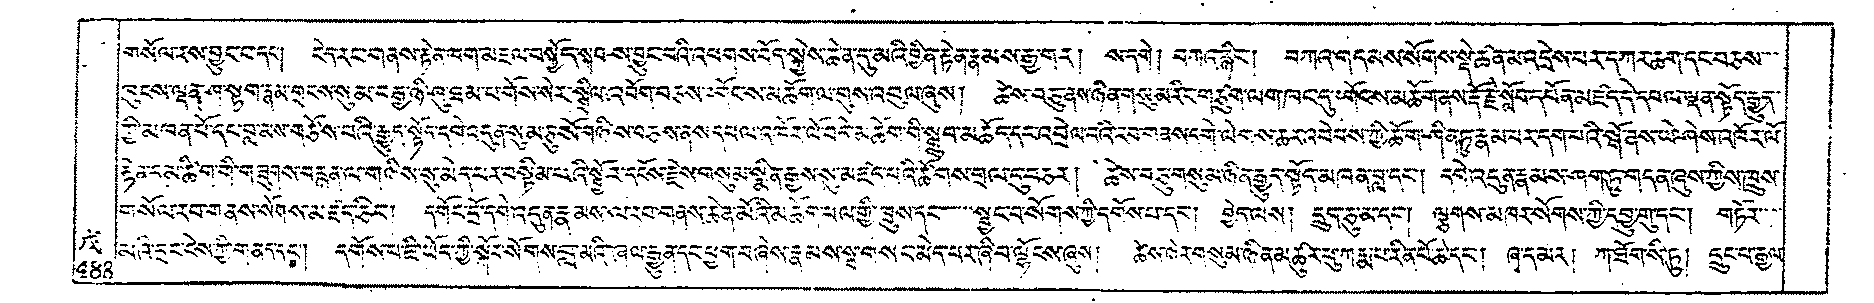གསོལ་རས་བྱུང་བ་དང་། ངེད་རང་གནས་རྟེན་ཁག་མཇལ་བསྐྱོད་སྐབས་བྱུང་བའི་འཕགས་བོད་སྐྱེས་ཆེན་དུ་མའི་བྱིན་རྟེན་རྣམས་རྒྱ་གར། ས་དགེ། བཀའ་རྙིང་། བཀའ་གདམས་སོགས་སྡེ་ཚན་མ་འདྲེས་པར་དཀར་ཆག་དང་བཅས་
ཁུངས་ལྡན་ཤ་སྟག་རྣམ་གྲངས་སུམ་བརྒྱ་ཉི་ཤུ་ཐམ་པ་གོས་སེར་སྒྲིལ་འབོག་བཅས་༧གོང་ས་མཆོག་ལ་གུས་འབུལ་ཞུས། ཚེས་བཅུ་ནས་ཉིན་གསུམ་རིང་གཙུག་ལག་ཁང་དུ་༧གོང་ས་མཆོག་ནས་རྡོ་རྗེ་སློབ་དཔོན་མཛད་དེ་དཔལ་ལྡན་སྟོད་རྒྱུད་
ཀྱི་མཁན་པོ་དང་བླ་མས་གཙོས་པའི་རྒྱུད་སྟོད་དགེ་འདུན་སུམ་ཅུ་སོ་གཉིས་བཅས་ནས་དཔལ་འཁོར་ལོ་བདེ་མཆོག་གི་སྒྲུབ་མཆོད་དང་འབྲེལ་བའི་རབ་གནས་དགེ་ལེགས་ཆར་འབེབས་ཀྱི་ཆོ་ག་ཤིན་ཏུ་རྣམ་པར་དག་པའི་སྒོ་ནས་ཡེ་ཤེས་འཁོར་ལོ་
རྟེན་དམ་ཚིག་གི་གཟུགས་བརྙན་ལ་གཉིས་སུ་མེད་པར་བསྟིམ་པའི་སྦྱོར་དངོས་རྗེས་གསུམ་སྨིན་རྒྱས་སུ་མཛད་པའི་ཚོགས་གྲལ་དུ་བཅར། ཚེས་བཅུ་གསུམ་ཉིན་རྒྱུད་སྟོད་མཁན་བླ་དང་། དགེ་འདུན་རྣམས་ཤག་ཏུ་གདན་ཞུས་ཀྱིས་ཁྲུས་
གསོལ་རབ་གནས་སོགས་མཛད་ཅིང་། དགོང་དྲོ་དགེ་འདུན་རྣམས་ལ་རབ་གནས་ཆེན་མོའི་མཆོག་ཕལ་གྱི་ཁྲུས་དང་སྦྱང་བ་སོགས་ཀྱི་དགོས་པ་དང་། བྱེད་ལས། དྲུག་ཅུ་མ་དང་། ལྕགས་མཁར་སོགས་ཀྱི་དབྱུ་གུ་དང་། གཏོར་
མའི་དྲང་ངེས་ཀྱི་གནད་དང་། དགོས་པ་ཇི་ཡོད་ཀྱི་སྐོར་སོགས་བླ་མའི་ཞལ་རྒྱུན་དང་ཕྱག་བཞེས་རྣམས་སྦ་གསང་མེད་པར་ཞིབ་ལྷོངས་ཞུས། ཚེས་ཉེར་གསུམ་ཉིན་མཚུར་ཕུ་ཀརྨ་པ་རིན་པོ་ཆེ་དང་། ཞྭ་དམར། ཀ་ཐོག་སི་ཏུ། དྲུང་པ་རྒྱལ་